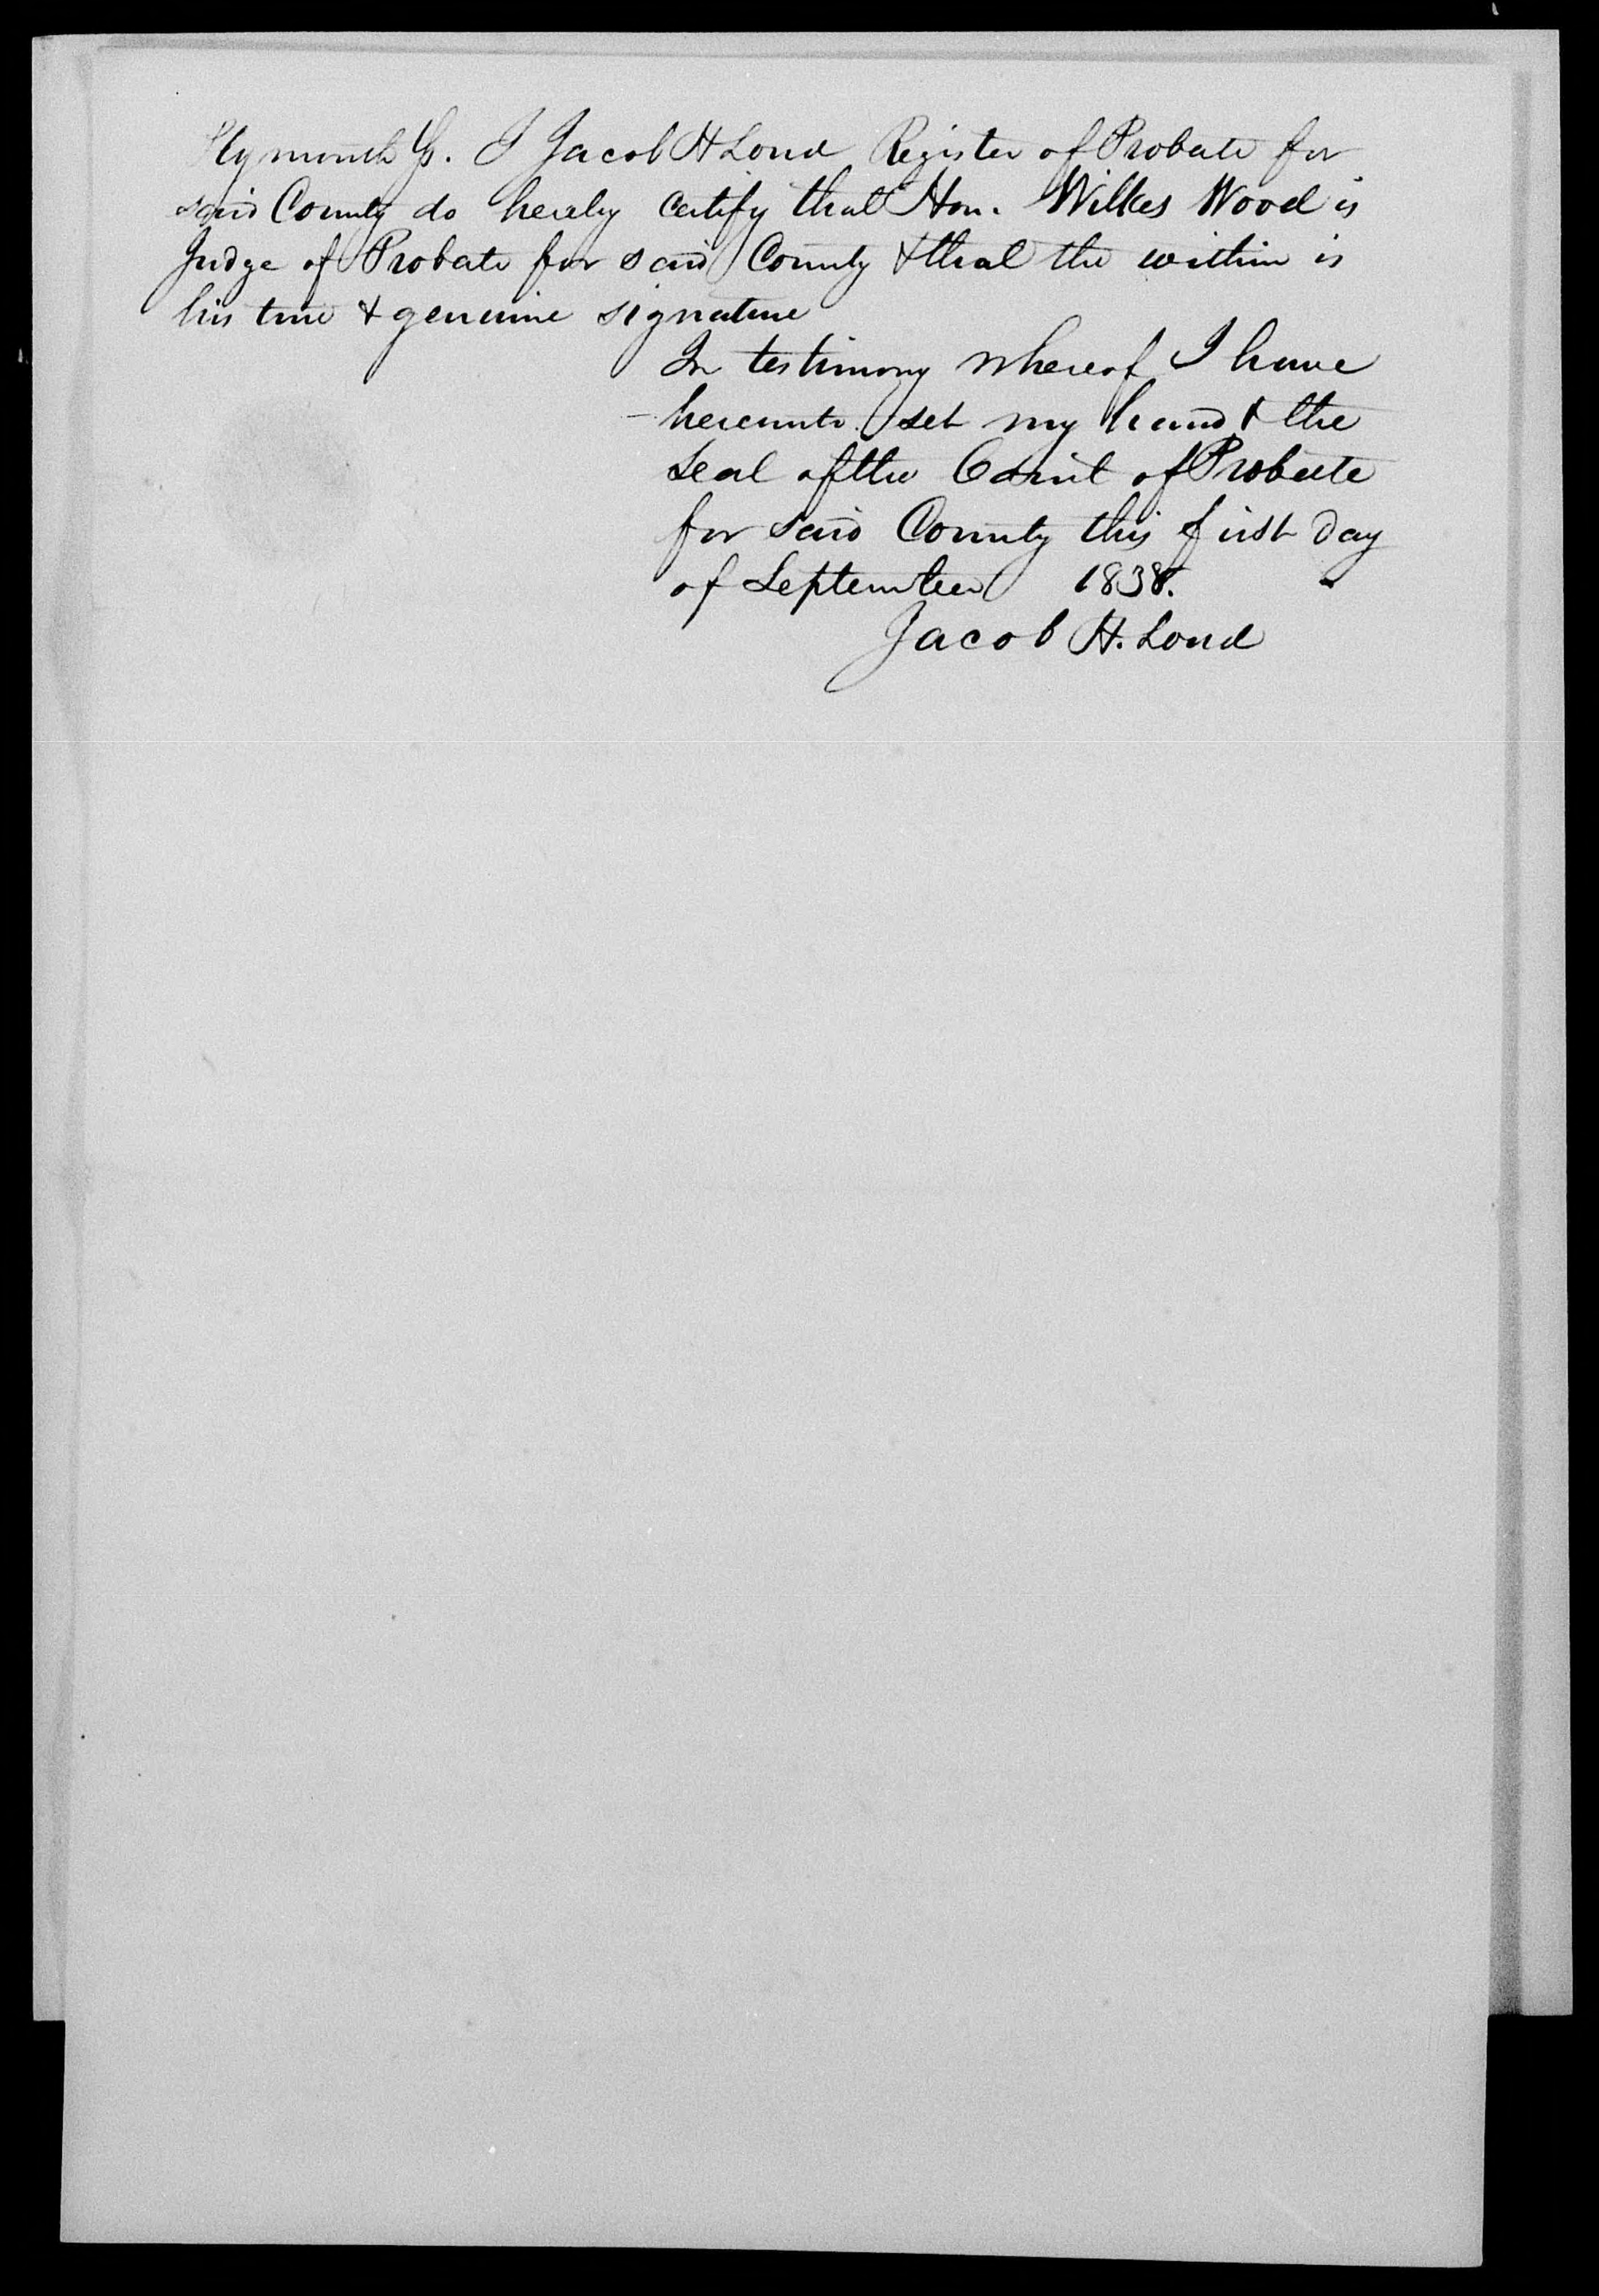Plymouth ss. I Jacob H Loud Register of Probate for said County do hereby certify that Hon. Wilkes Wood is Judge of Probate for said County & that the within is his true &  genuine signature-
In testimony whereof I have
hereunto set my hand & the
Seal of the Court of Probate
for said County this first day
of September 1838.
Jacob H. Loud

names: Wilkes Wood; Jacob H Loud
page: 12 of 82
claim: widow's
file: W. 13,634, for Rufus Lincoln, Massachusetts